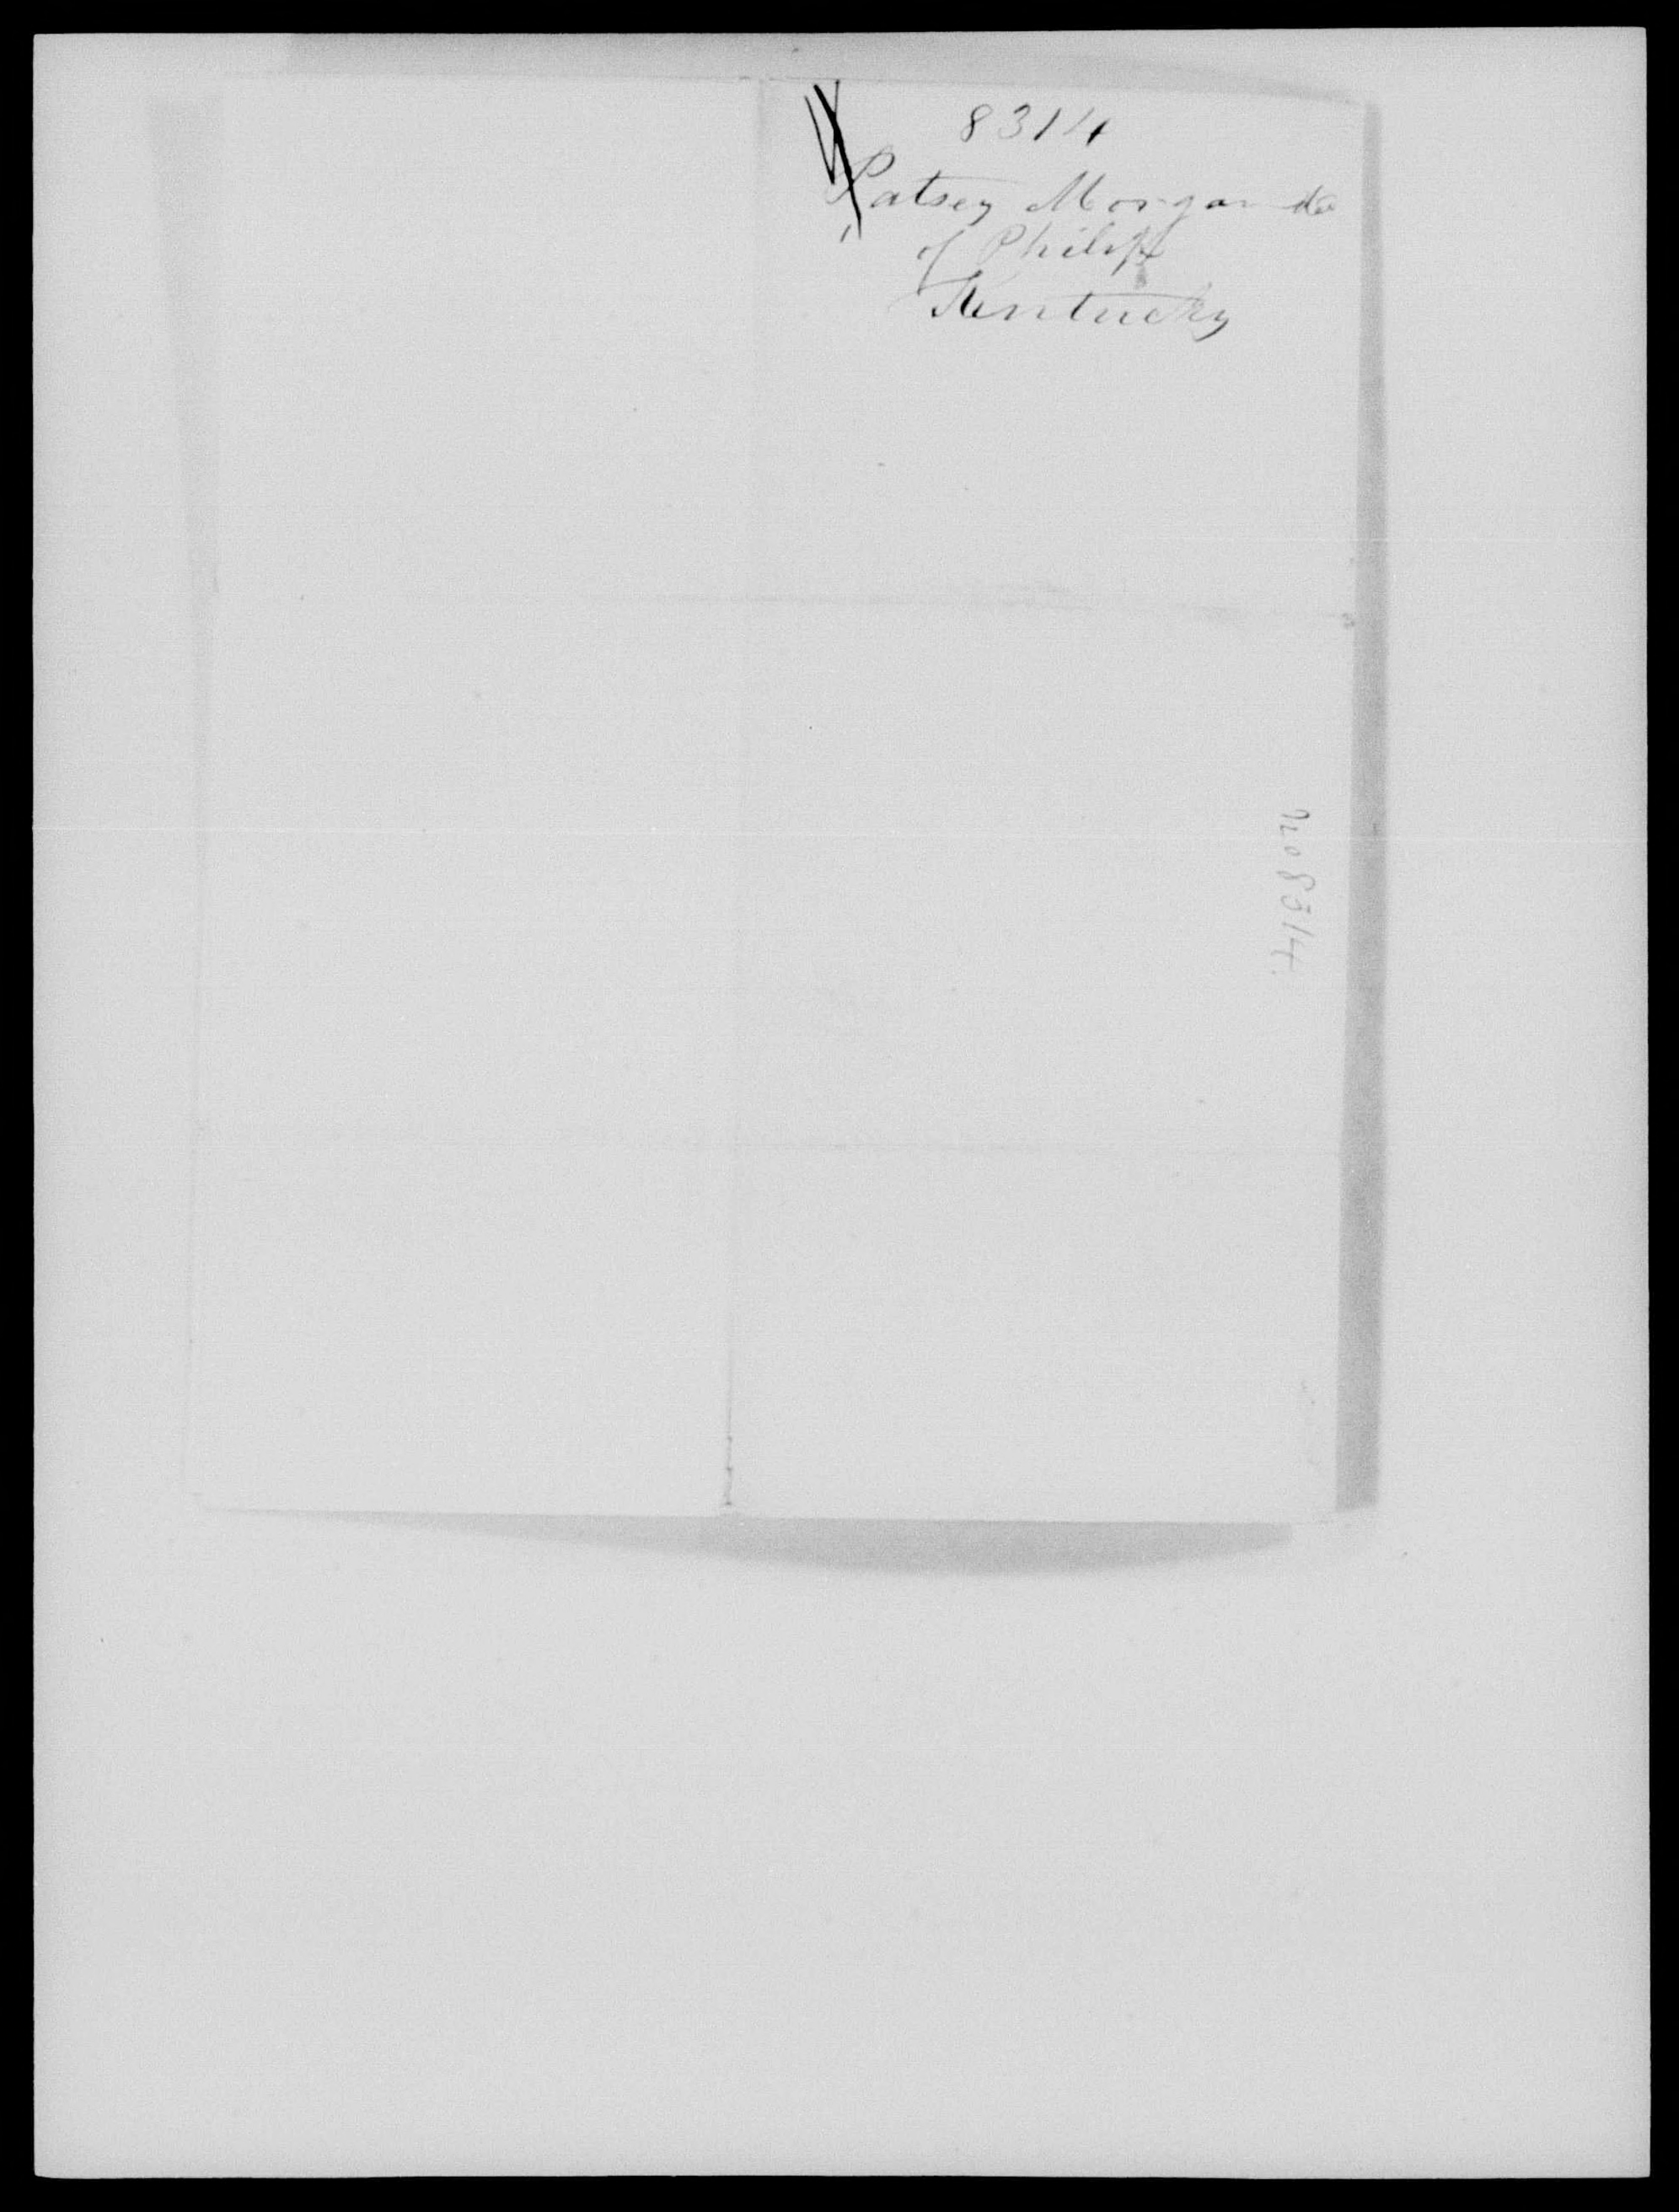8314
Patsey Morgan [illegible]
of Philip
Kentucky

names: Philip Morgan; Patsey Morgan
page: 2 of 16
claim: rejected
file: R 7386, for Philip Morgan, Georgia